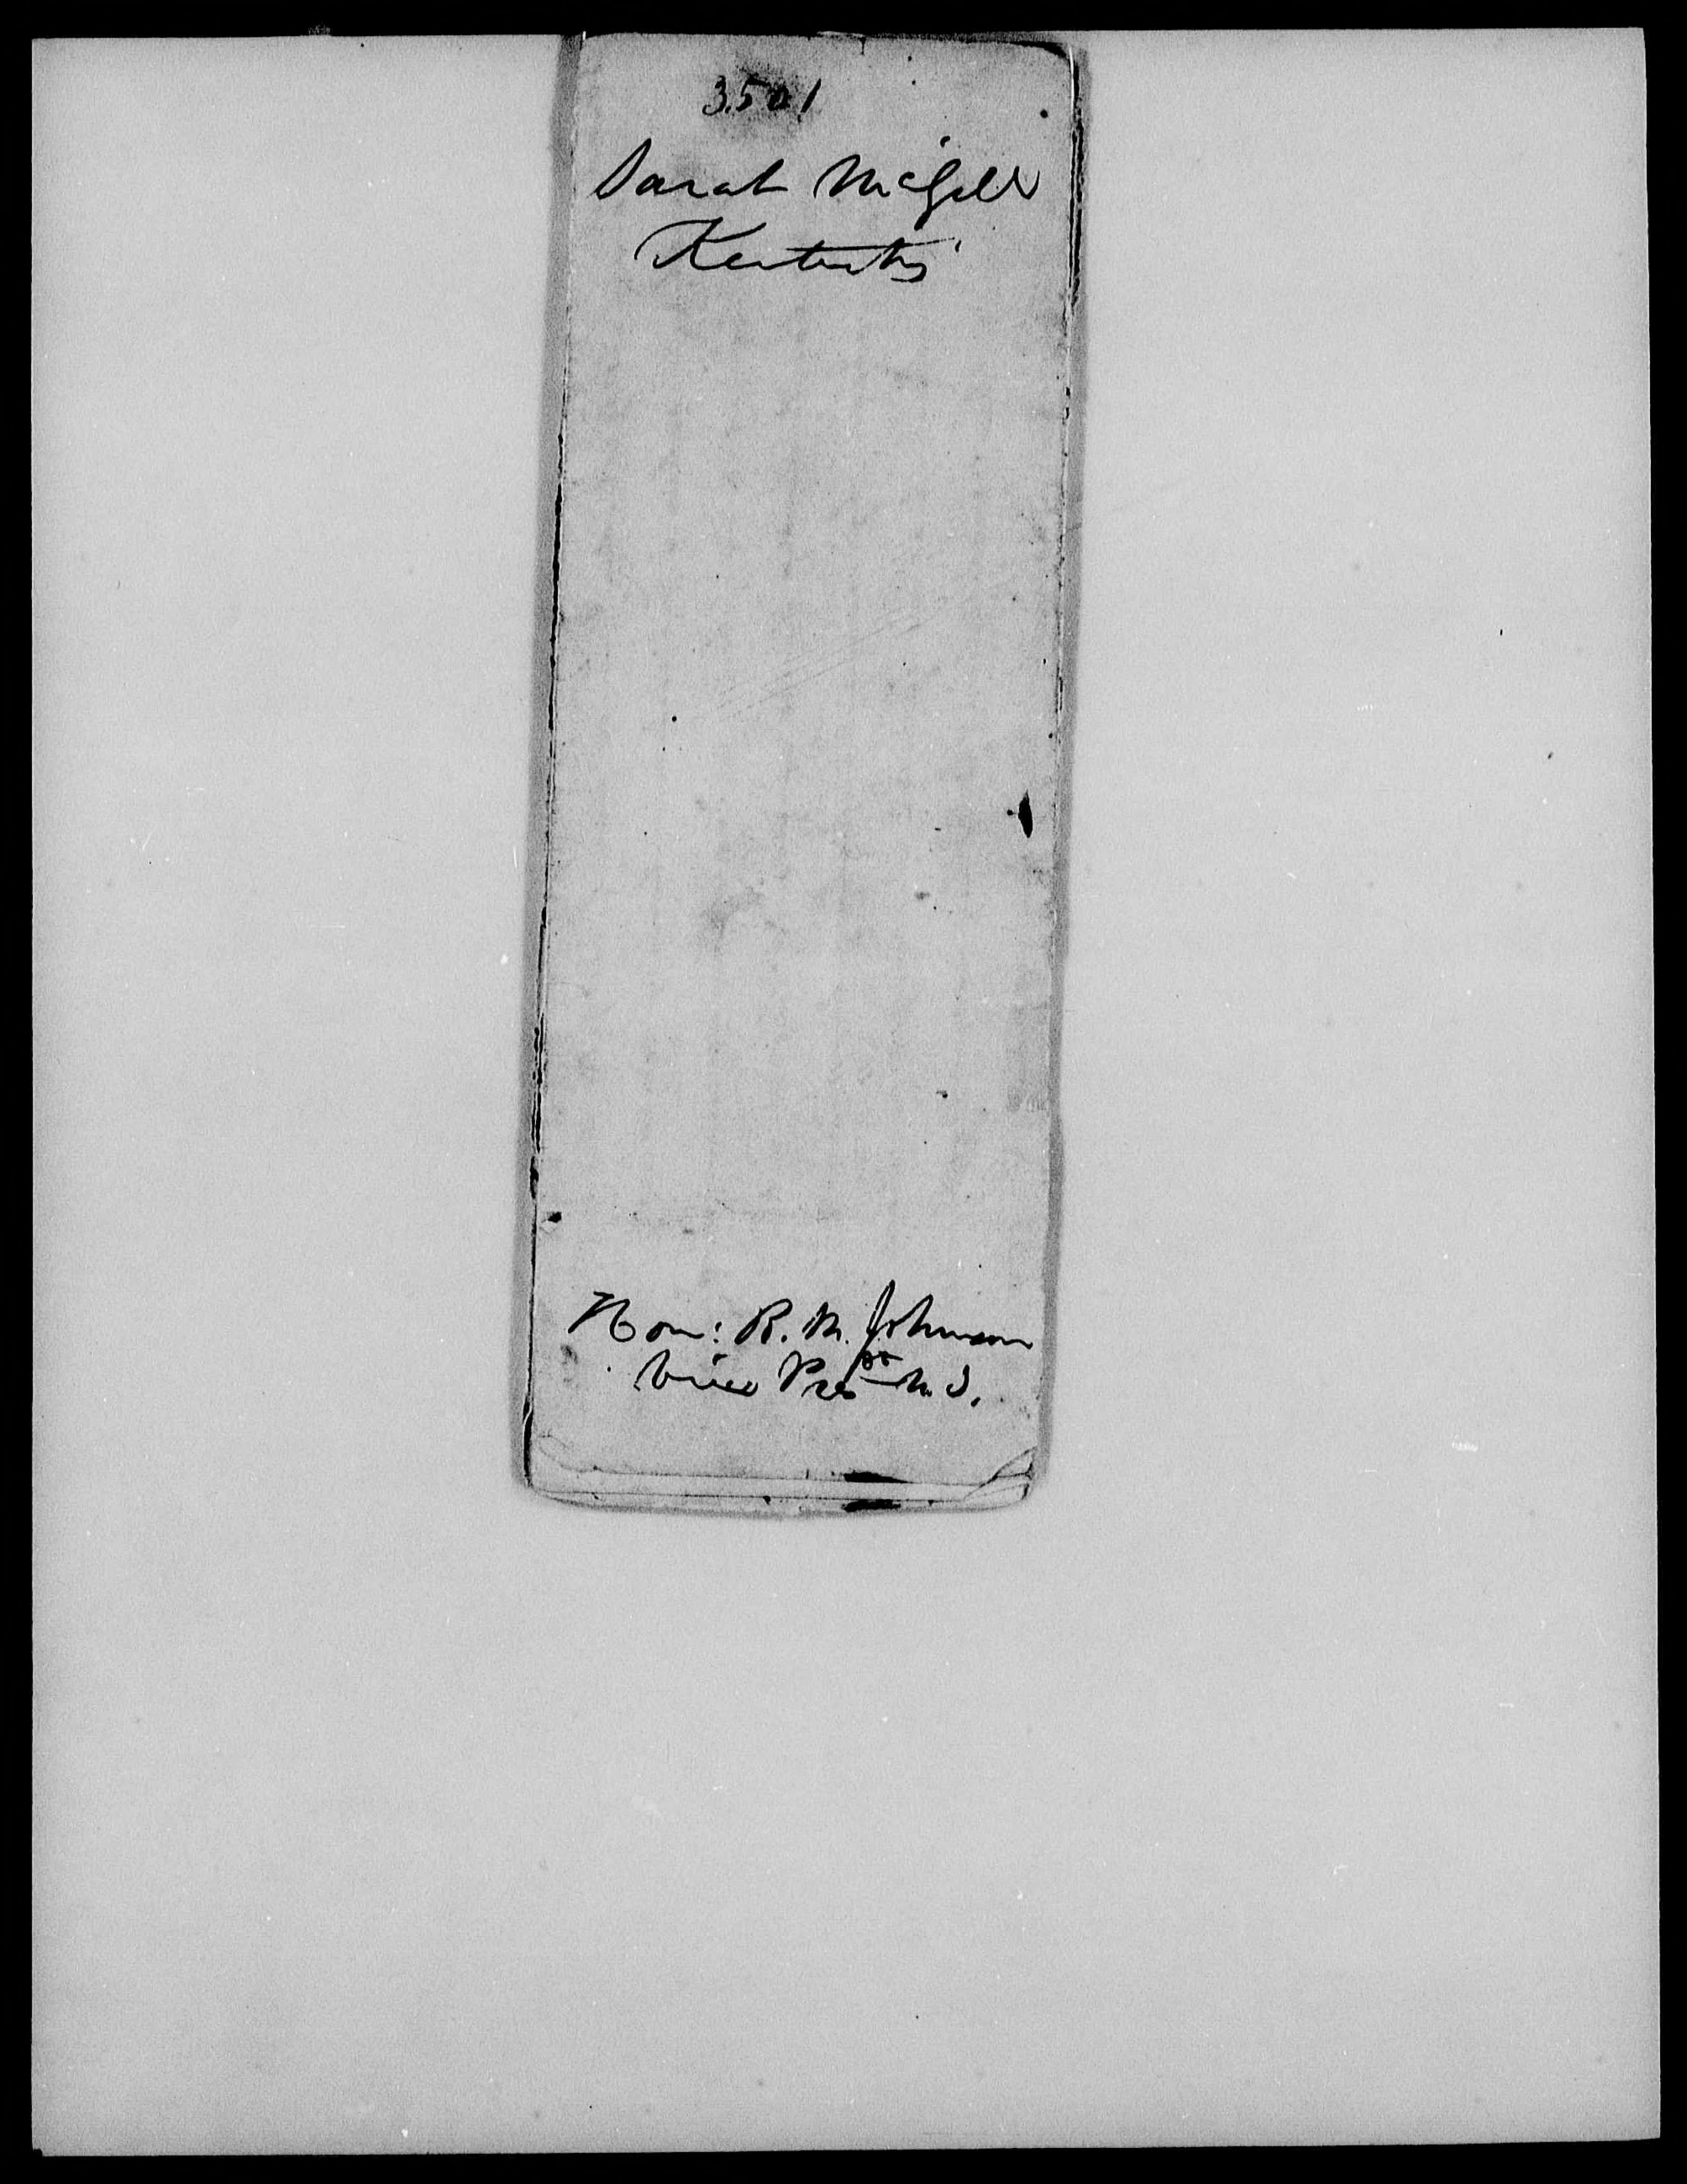Image 68  (# 4160873_00068)         
Fold3 File #23857235
[Cover]   3501
Sarah McGill   Kentucky  
Hon R. M. Johnson [illegible] Pres Js - _ _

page: 11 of 71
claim: widow's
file: W. 8428, for James Mc Gill, Pennsylvania